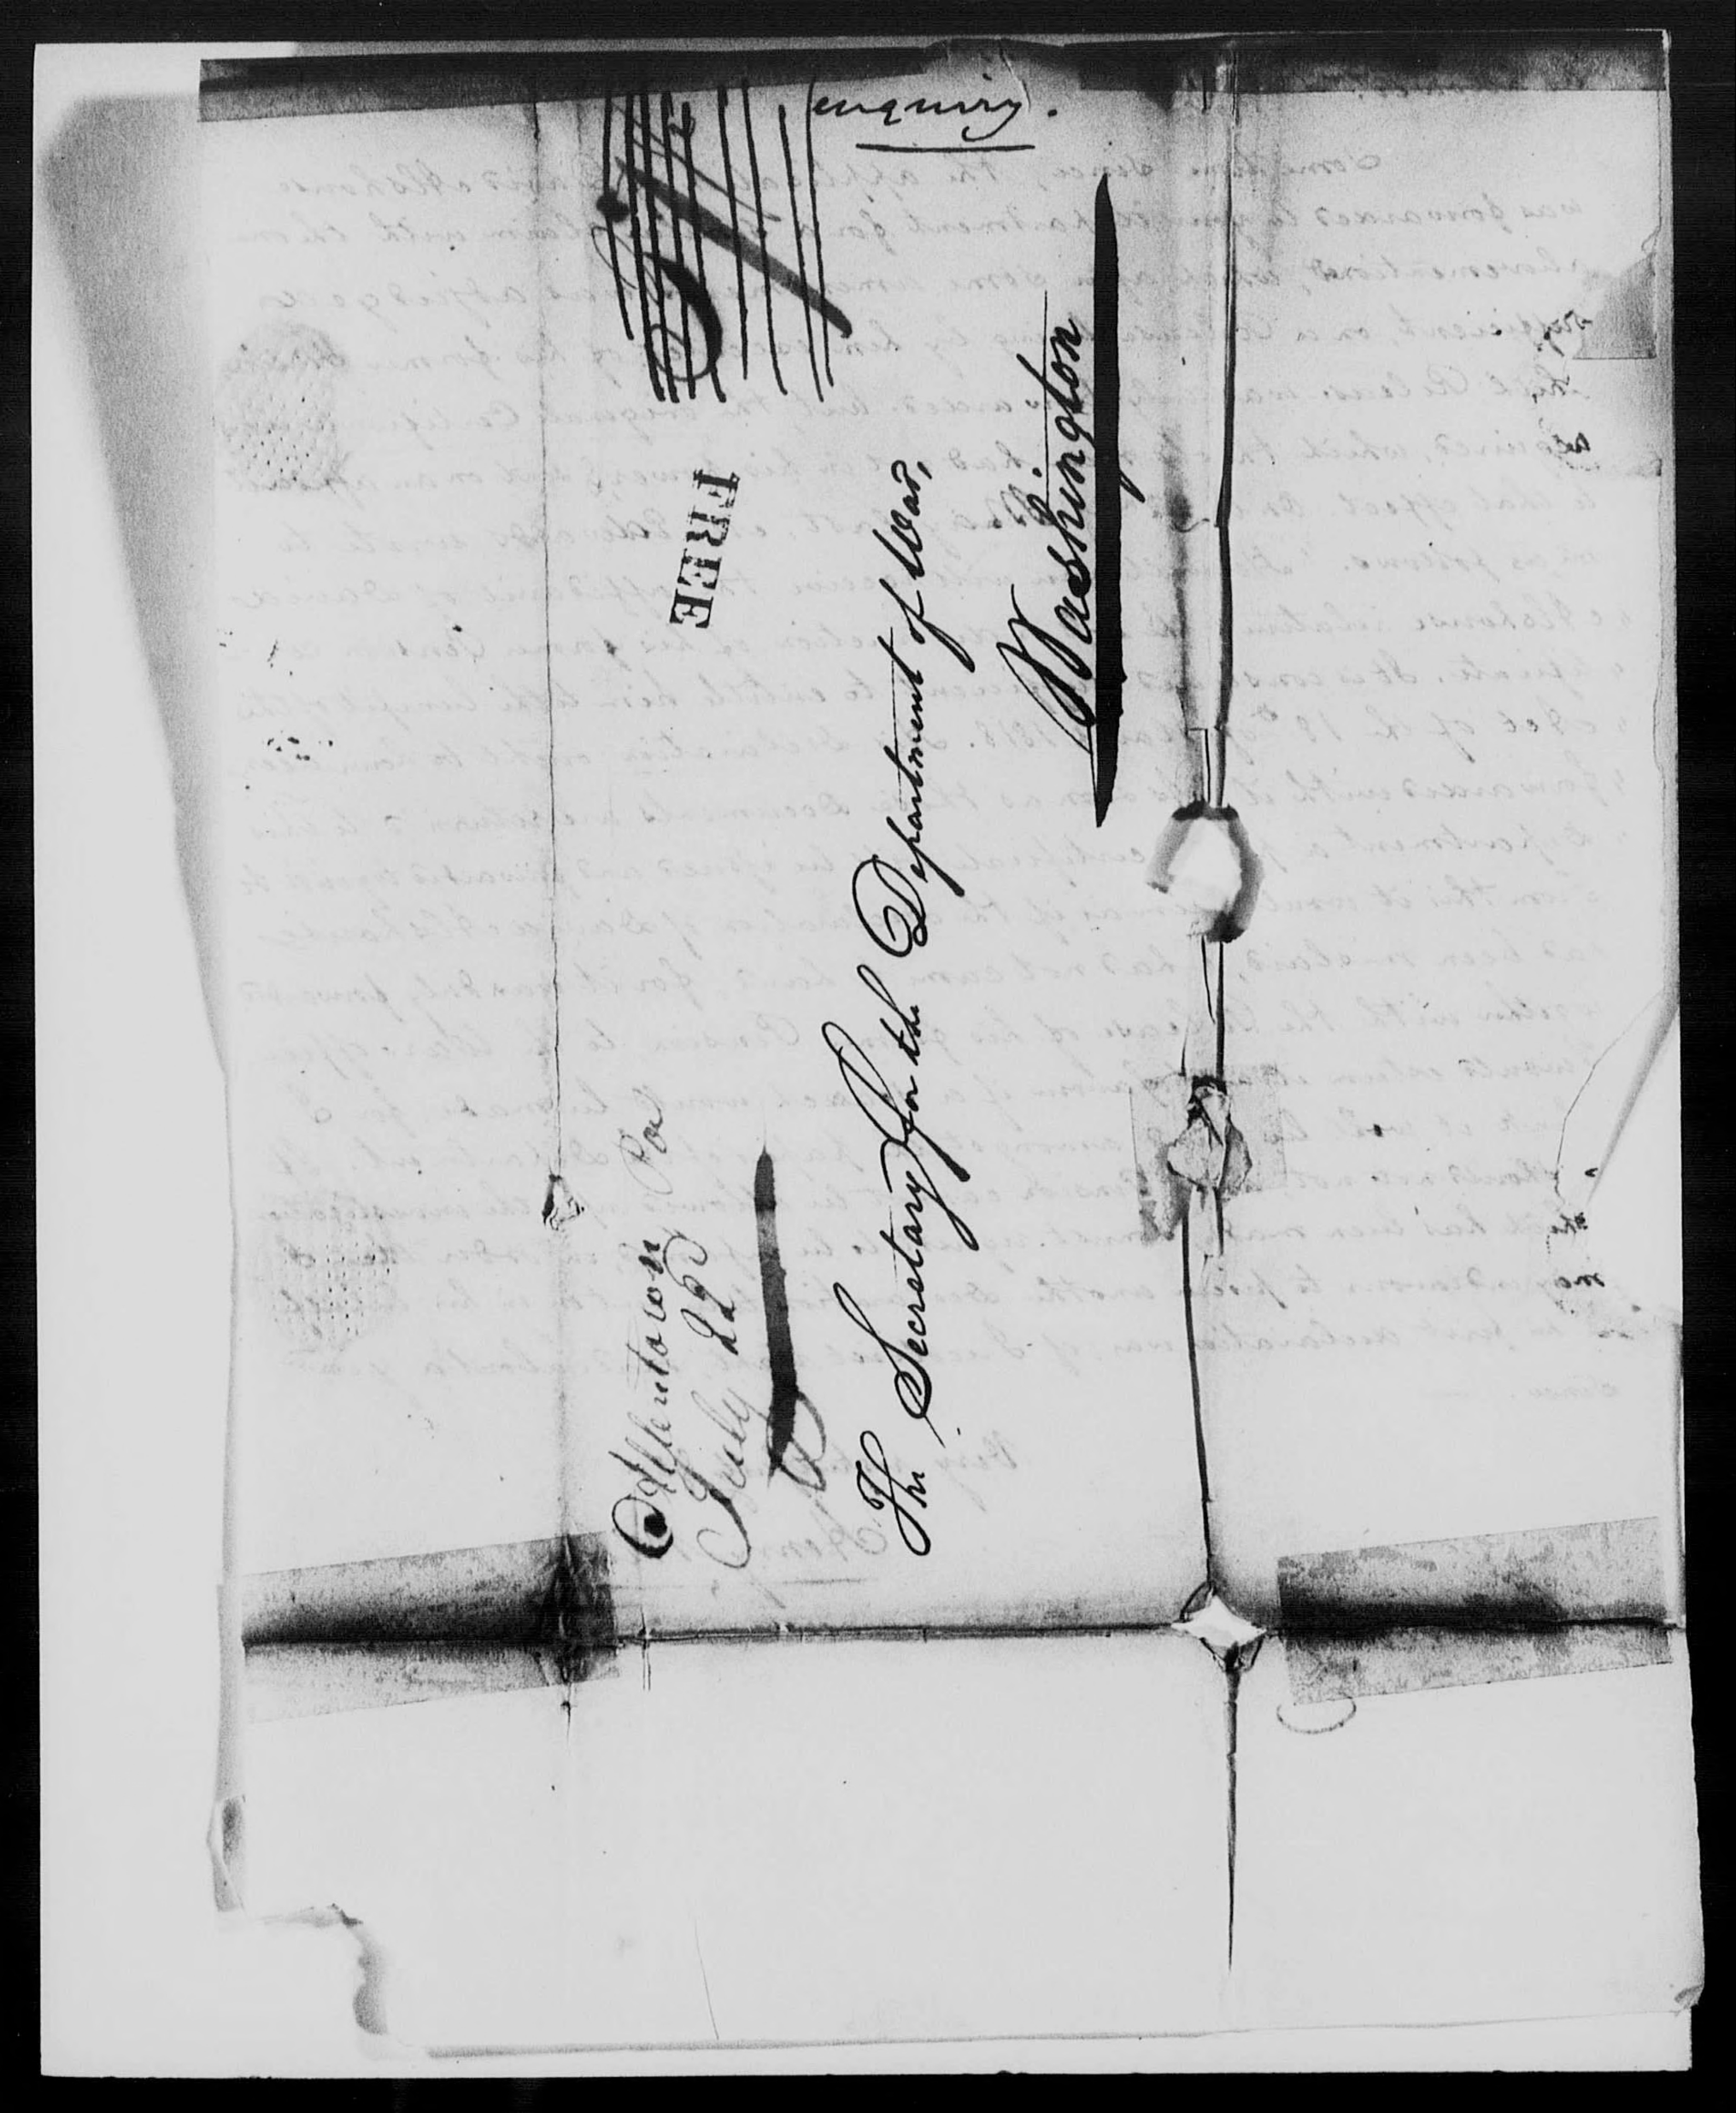inquiry.
----------

FREE

Allentown Pa
July 22d

The Secretary of the Department of War.
Washington
----------------------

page: 16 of 17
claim: survivor's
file: S. 39928, David Alshouse, Penn.